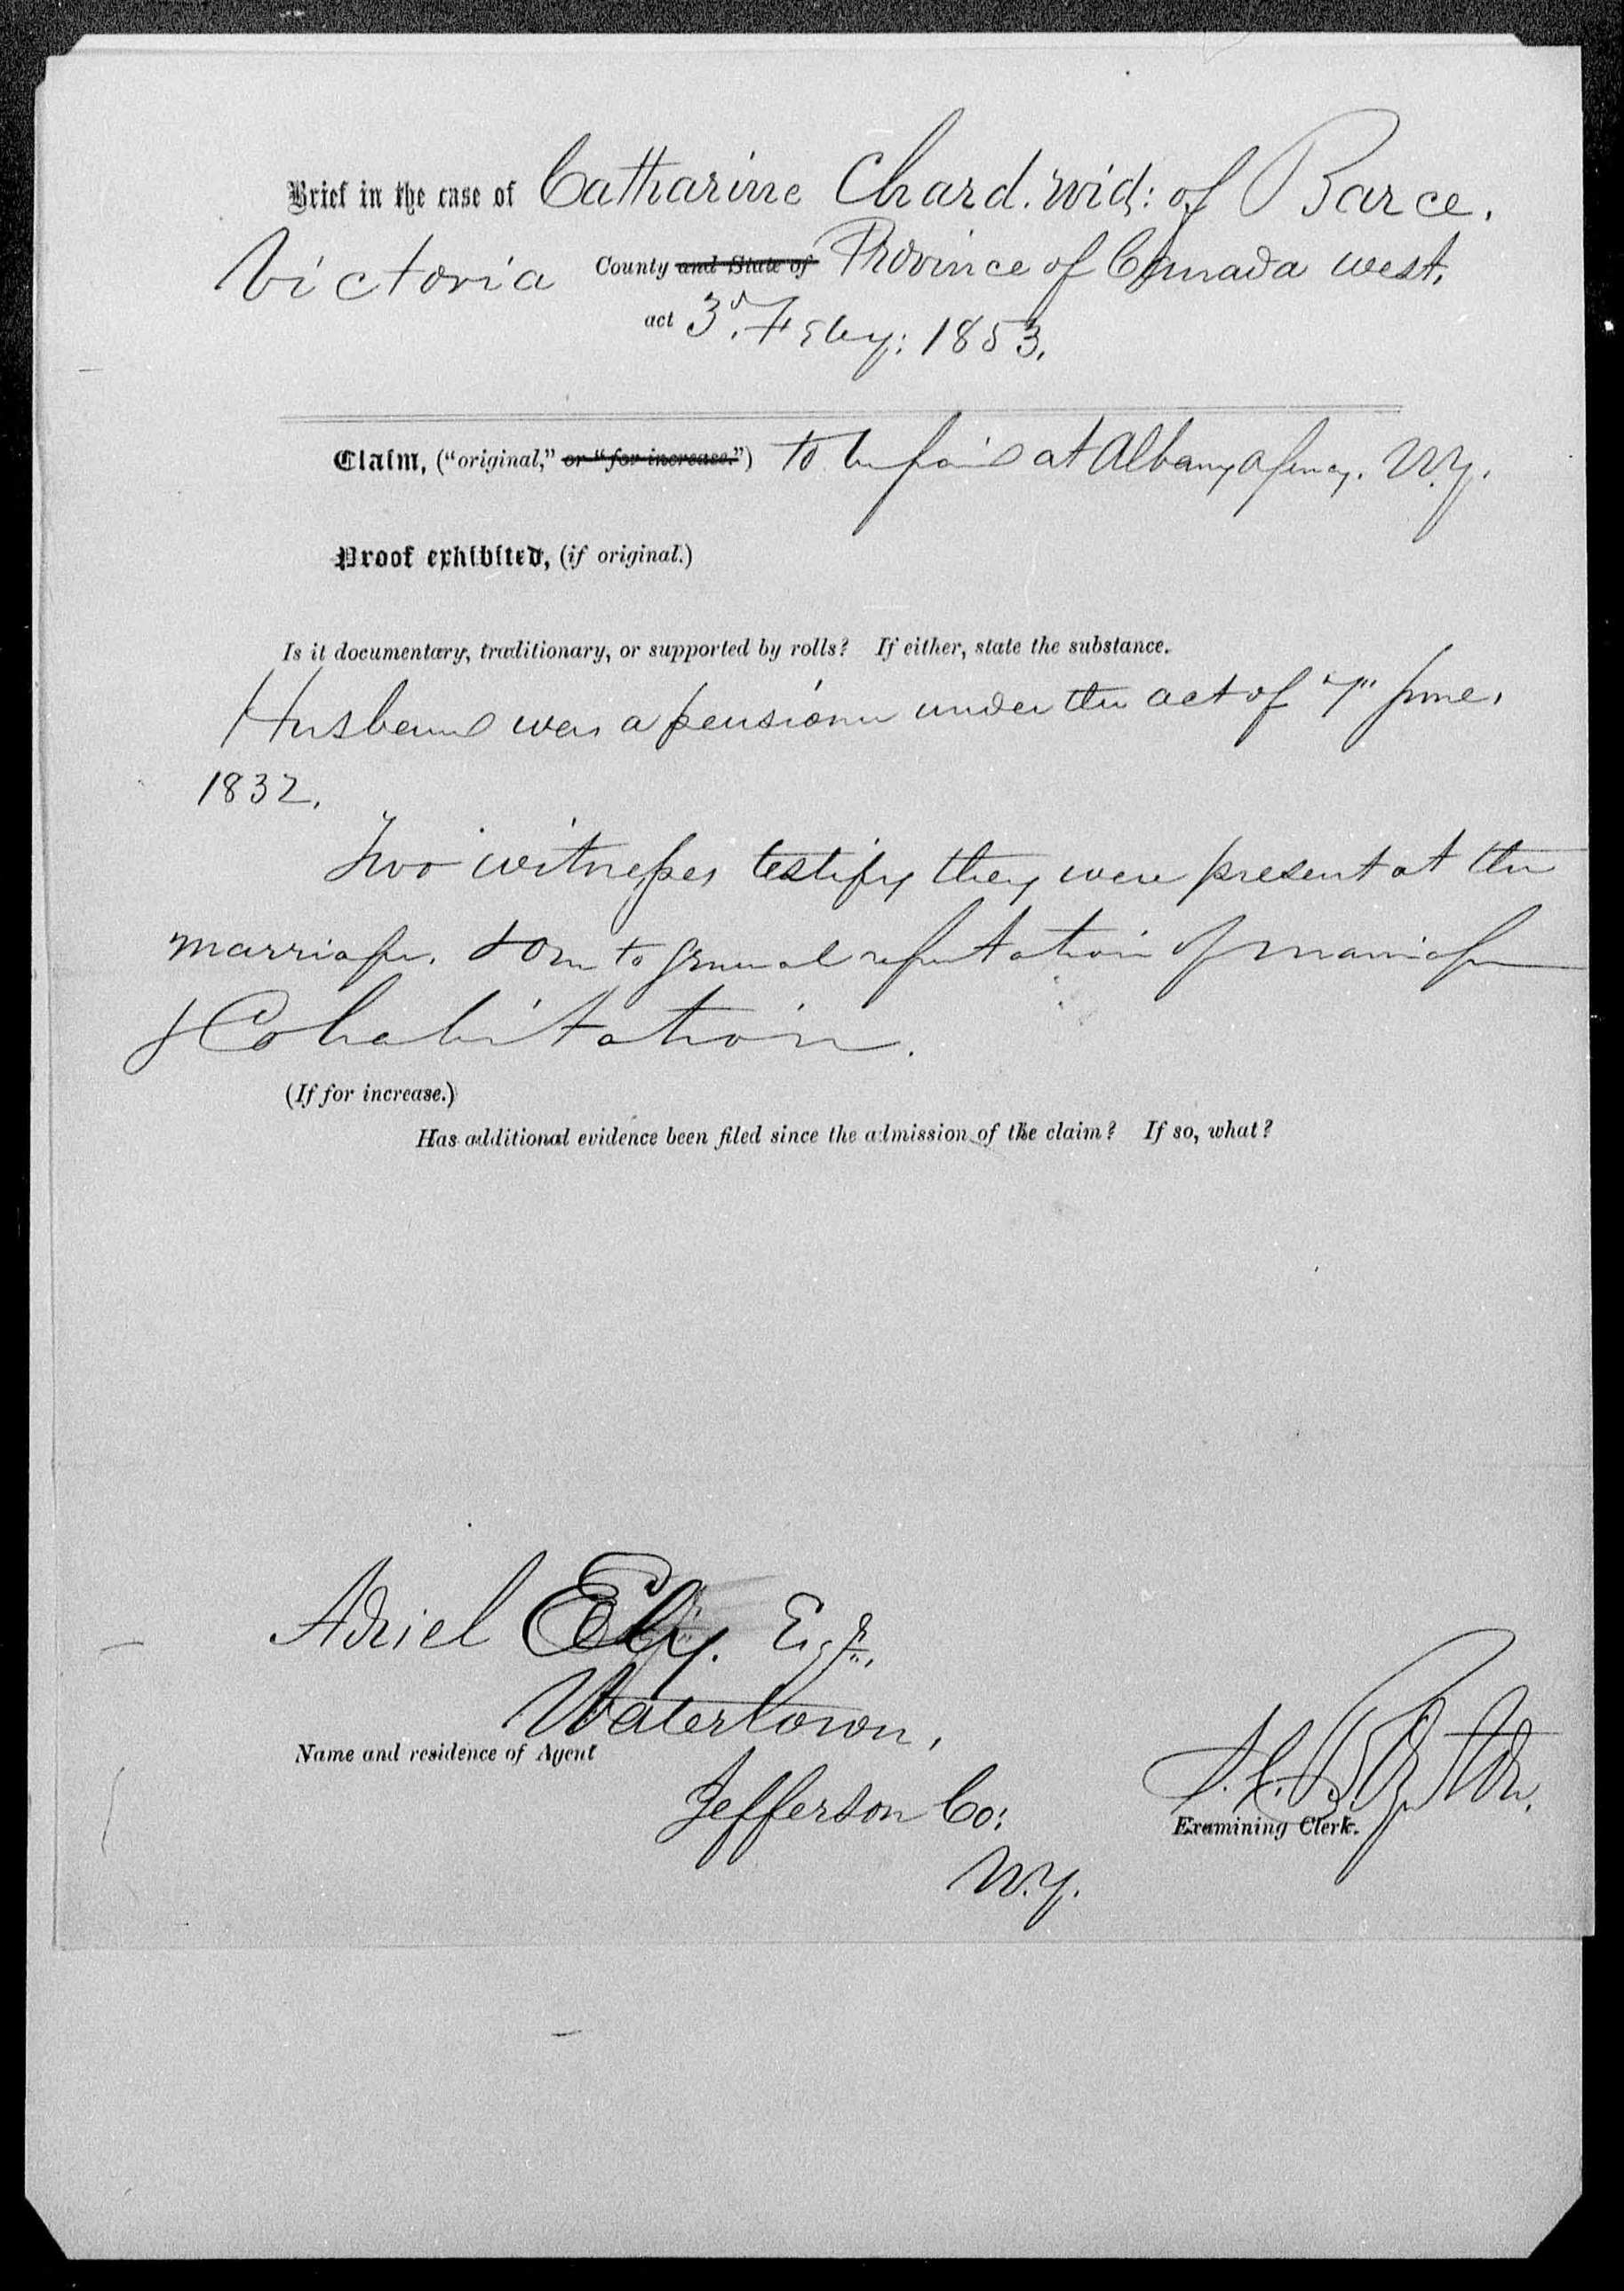Brief in the case of Catharine Chard wid: of Barce, 
Victoria County and Province of Canada West, 
act 3 Feby. 1853.

Claim, ("original") to be filed at Albany Agency, NY 
Proof exhibited, (if original.) 
Is it documentary, traditionary, or supported by rolls? If either, state the substance. 
Husband was a pensioner under the act of  7" June, 1832.
Two witnesses testify they were present at the marriage & one to general reputation of marriage & Cohabitation 
(If for increase.) 
Has additional evidence been filed since the admission of the claim? If so, what? 
Name and residence of Agent  Adriel Ely, Esqr. 
Watertown Jefferson Co. N.Y 
[Signed] S C Boynton
Examining Clerk.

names: S C Boynton, Adriel Ely, Catharine Chard, Barce Chard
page: 32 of 47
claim: widow's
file: W. 10,602, Barce Chard, New York.